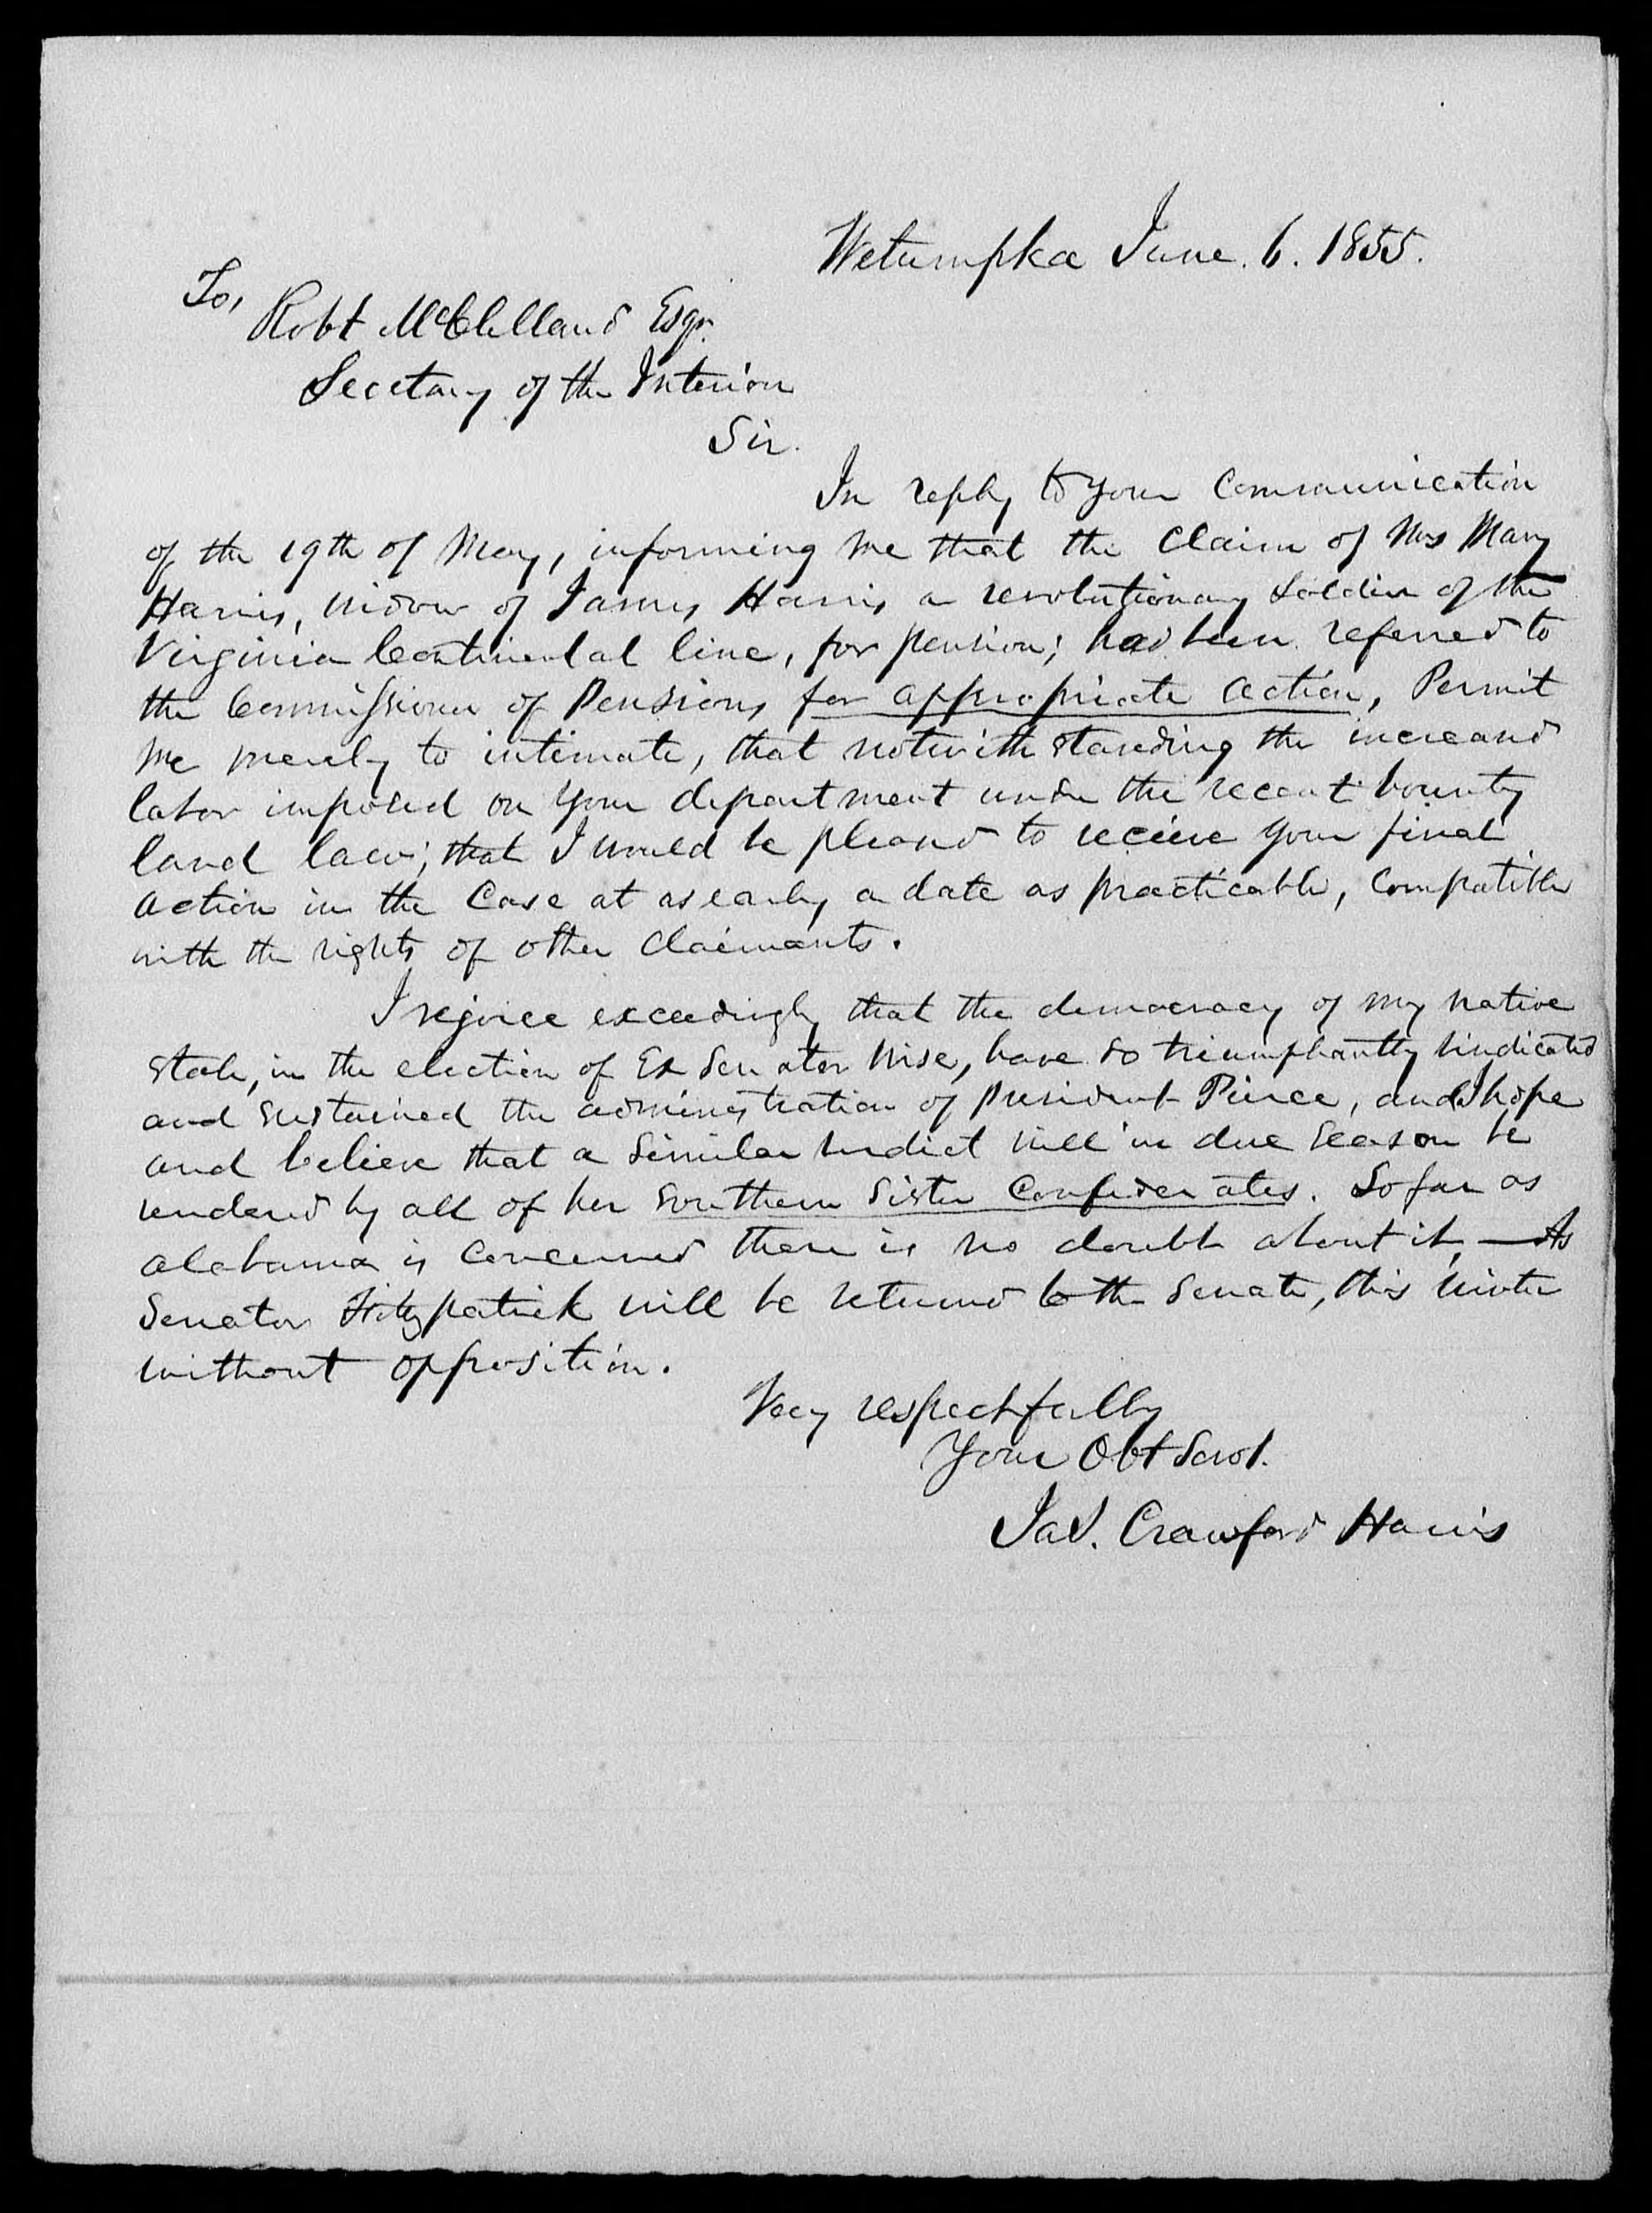Wetumpka June 6, 1855

To,
Robt McClelland Esqr
Secretary of the Interior
Sir.
In reply to your communication of the 19th of May, informing me that the claim of Mrs Mary Harris, widow of James Harris a revolutionary soldier of the Virginia Continental line, for pension, had been referred to the Commissioner of Pensions for appropriate action,, Permit me merely to intimate, that notwithstanding the increased labor imposed on your department under the recent bounty land law, that I would be pleased to receive your final action in the case at as early a date as practicable, compatible with the rights of other claimants.
I rejoice exceedingly that the democracy of my native state, in the election of Ex  Senator Wise, have  so triumphantly vindicated and sustained the administration of President Pierce, and I hope and believe that a similar verdict will in due season be rendered by all of her Southern Sister Confederates.  So far as Alabama is concerned there is no doubt about it, As Senator Fitzpatrick will be returned to the Senate, this winter without opposition.
Very respectfully
Your Obt Servt.
Jas. Crawford Harris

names: Mary Harris, James Harris, Robt Mc Clelland, Jas Crawford Harris, Fitzpatrick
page: 104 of 160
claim: rejected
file: R. 4666, James Harris, Va.